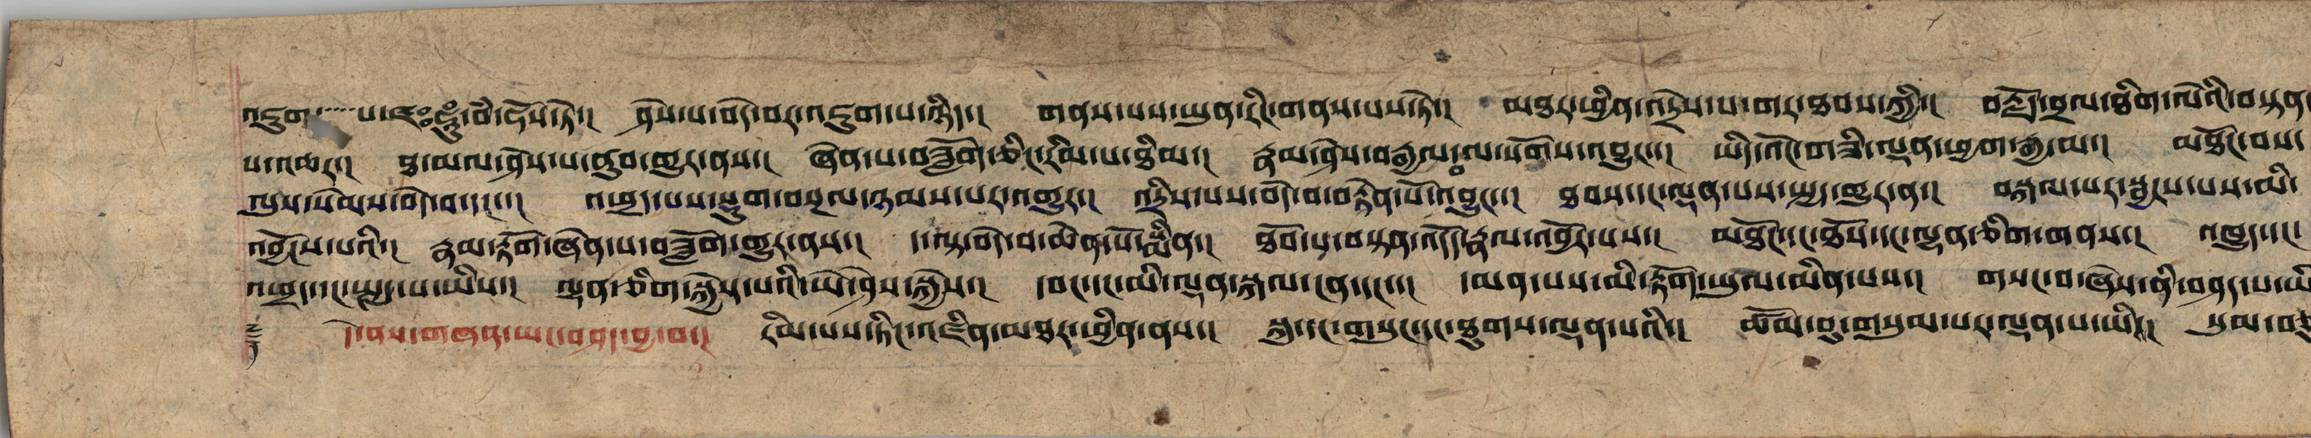འཇུག་་་་པ་ཛཿཧཱུཾ་བཾ་ཧོས་ཏེ་། ཤེས་པ་བདེ་བར་འཇུག་པ་ཉིད་། གནས་པས་ཡུན་རིང་གནས་པས་ཏེ་། མཐར་ཕྱིན་འདྲེས་པ་གར་ཐབས་ཀྱི་། བརྗོད་བྲལ་ཐིག་ལེའི་བསྟན་
པ་འཆར་། ཐ་མལ་ཤེས་པ་ནུབ་གྱུར་ནས་། ཞེན་པ་བཟློག་ཅིང་རིམ་པ་ཐིམ་། རྣམ་ཤེས་བརྒྱལ་བ་ལ་སོགས་འབྱུང་་། ཡིད་འོང་གཟི་ལྡན་ཕྱག་རྒྱ་མ་། མཐོང་བས་
ལུས་སེམས་བདེ་བ་དང་་། འཕྲད་པས་སྡུག་བསྔལ་ཉམས་པར་འགྱུར་། འདྲིས་པས་བདེ་བ་བརྟེན་པོ་འབྱུང་་། ཐབས་དང་ལྡན་པས་སྤྱད་གྱུར་ན་། བསྐལ་པར་སྦྱངས་པས་མི་
འབྱོངས་པའི་། རྣམ་རྟོག་ཞེན་པ་བཟློག་གྱུར་ནས་། ད་ལྟ་བདེ་བ་ཆེན་པོ་སྨིན་། ཐོབ་པ་བསྟན་འདོད་རྣལ་འབྱོར་པས་། མཐོང་དང་ཐོས་དང་ལྷན་ཅིག་གནས་། འཁྱུད་དང་
འཕྲད་དང་སྤྱད་པ་ཡིས་། ལྷན་ཅིག་སྐྱེས་པའི་ཡེ་ཤེས་སྐྱེས་། དབང་དང་མི་ལྡན་སྐལ་ངན་དང་་། དམན་པས་མི་རྟོག་ཡུལ་མིན་པས་། གསང་བ་ཞེས་ནི་བཤད་པ་ཡི
࿑ དེ་ནས་གཞན་ཡང་བཤད་བྱ་བ་། རིམ་པས་ཏིང་འཛིན་མཐར་ཕྱིན་ནས་། སྐུ་དང་གསུང་དང་ཐུགས་ལྡན་པའི་། ཚོམ་བུ་གསུམ་པར་ལྡན་པ་ཡི་། སུམ་བཅུ